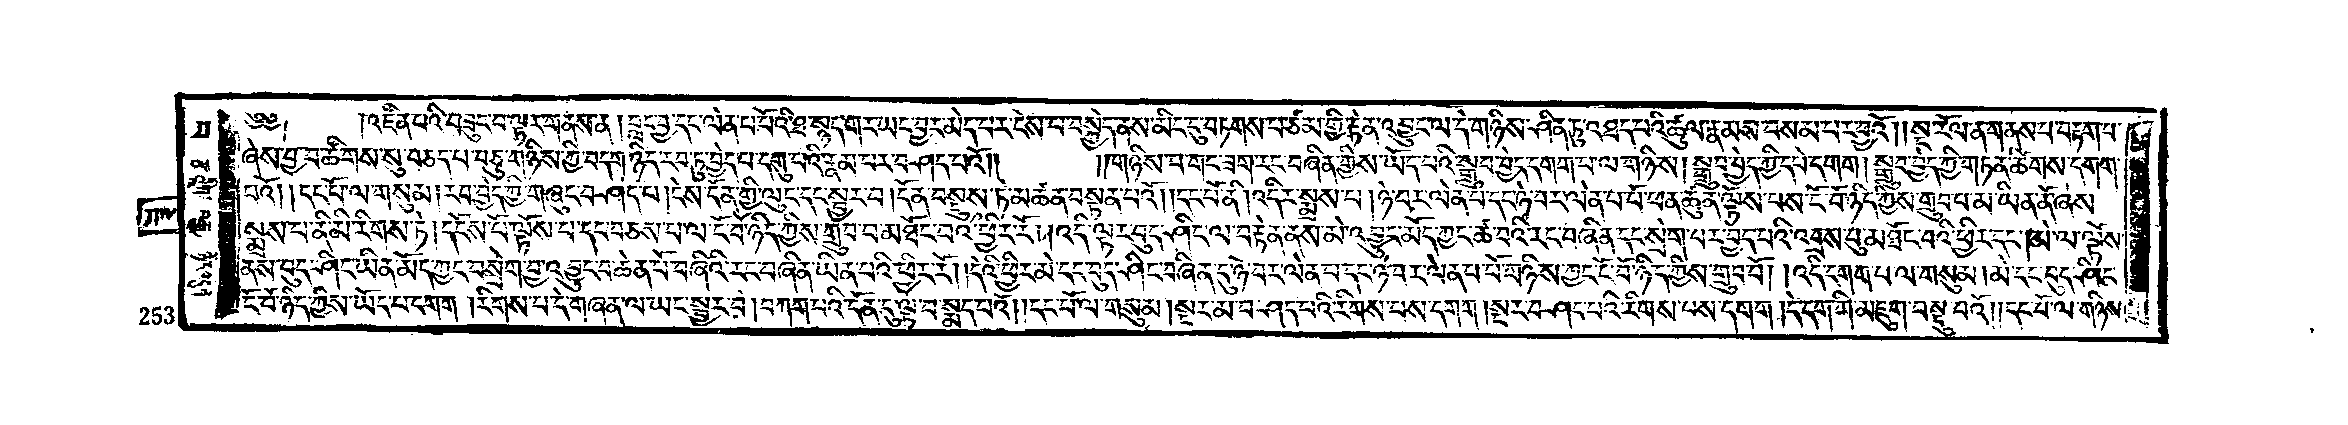༄༅། །འཛིན་པའི་བཟུང་བ་ལྟར་གནས་ན། བླང་བྱ་དང་ལེན་པ་པོའི་ཐ་སྙད་གར་ཡང་བྱར་མེད་པར་ངེས་པ་བསྐྱེད་ནས་མིང་དུ་བཏགས་པ་ཙམ་གྱི་རྟེན་འབྱུང་ལ་དེ་གཉིས་ཤིན་ཏུ་འཐད་པའི་ཚུལ་རྣམས་བསམ་པར་བྱའོ། །སྔ་རོལ་ན་གནས་པ་བརྟག་པ་
ཞེས་བྱ་བ་ཚིགས་སུ་བཅད་པ་བཅུ་གཉིས་ཀྱི་བདག་ཉིད་རབ་ཏུ་བྱེད་པ་དགུ་པའི་རྣམ་པར་བཤད་པའོ།། །།གཉིས་པ་གང་ཟག་རང་བཞིན་གྱིས་ཡོད་པའི་སྒྲུབ་བྱེད་དགག་པ་ལ་གཉིས། སྒྲུབ་བྱེད་ཀྱི་དཔེ་དགག །སྒྲུབ་བྱེད་ཀྱི་གཏན་ཚིགས་དགག་
པའོ། །དང་པོ་ལ་གསུམ། རབ་བྱེད་ཀྱི་གཞུང་བཤད་པ། ངེས་དོན་གྱི་ལུང་དང་སྦྱར་བ། དོན་བསྡུས་ཏེ་མཚན་བསྟན་པའོ། །དང་པོ་ནི། འདིར་སྨྲས་པ། ཉེ་བར་ལེན་པ་དང་ཉེ་བར་ལེན་པ་པོ་ཕན་ཚུན་ལྟོས་པས་ངོ་བོ་ཉིད་ཀྱིས་གྲུབ་པ་མ་ཡིན་ནོ་ཞེས་
སྨྲས་པ་ནི་མི་རིགས་ཏེ། དངོས་པོ་ལྟོས་པ་དང་བཅས་པ་ལ་ངོ་བོ་ཉིད་ཀྱིས་གྲུབ་པ་མཐོང་བའི་ཕྱིར་རོ། །འདི་ལྟར་བུད་ཤིང་ལ་བརྟེན་ནས་མེ་འབྱུང་མོད་ཀྱང་ཚ་བའི་རང་བཞིན་དང་སྲེག་པར་བྱེད་པའི་འབྲས་བུ་མཐོང་བའི་ཕྱིར་དང་། མེ་ལ་ལྟོས་
ནས་བུད་ཤིང་ཡིན་མོད་ཀྱང་བསྲེག་བྱ་འབྱུང་བ་ཆེན་པོ་བཞིའི་རང་བཞིན་ཡིན་པའི་ཕྱིར་རོ། །དེའི་ཕྱིར་མེ་དང་བུད་ཤིང་བཞིན་དུ་ཉེ་བར་ལེན་པ་དང་ཉེ་བར་ལེན་པ་པོ་གཉིས་ཀྱང་ངོ་བོ་ཉིད་ཀྱིས་གྲུབ་བོ། །འདི་དགག་པ་ལ་གསུམ། མེ་དང་བུད་ཤིང་
ངོ་བོ་ཉིད་ཀྱིས་ཡོད་པ་དགག །རིགས་པ་དེ་གཞན་ལ་ཡང་སྦྱར་བ། །བཀག་པའི་དོན་དུ་ལྟ་བ་སྨད་པའོ། །དང་པོ་ལ་གསུམ། །སྔར་མ་བཤད་པའི་རིགས་པས་དགག །སྔར་བཤད་པའི་རིགས་པས་དགག །དེ་དག་གི་མཇུག་བསྡུ་བའོ། །དང་པོ་ལ་གཉིས་